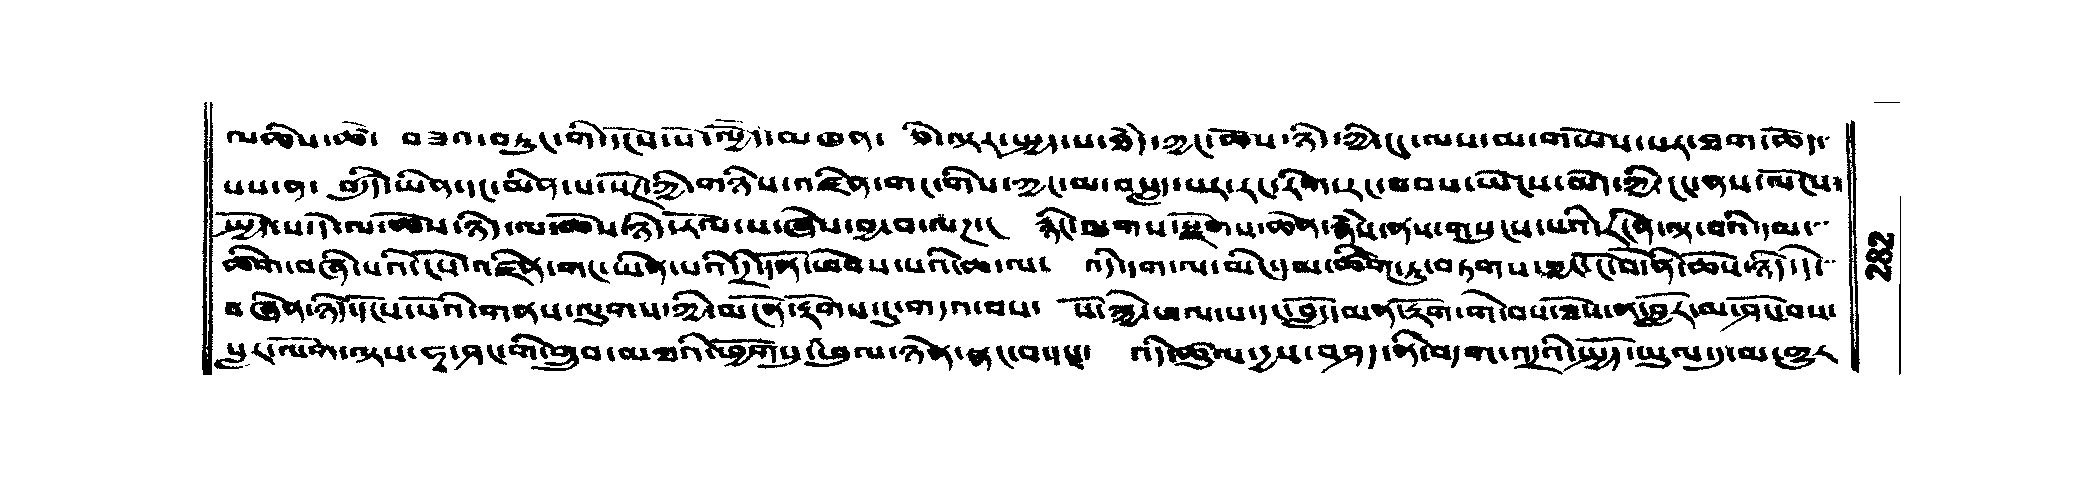མཆིསཔཚེ། བཟའཔབཏངཔགིཔདངོསཔ་ོཔལོངསཔསྤྱོདཔམཁནཔཐམསཔཅདཔཀྱངཔཆོསཔཉིདཔཀྱིཔངངཔལསཔམཔགཡོསཔ་རཔཐག་ཆོད
པས་ན། བདུདཔརྩིཔཡིནཔདངཔམིནཔ་པསོགསཔཀྱིཔགཉིསཔའཛིནཔགངཔགིསཔཀྱངཔམཔབསླདཔ་རཔརངཔརིགཔརངཔབབསཔཡེངསཔམེདཔཀྱིཔངངཔནསཔལོངས་
སྤྱོདཔ་པདེཔལཔཆོསཔཉིདཔལཔཆོསཔཉིདཔརོལཔབཔཞེསཔབྱཔབཔལགས། རྙིངཔལུགསཔརྫོགསཔཆེནཔརྣམསཔནསཔགསུངསཔ་འིཔརངཔབཞིནཔལྟཔབའིཔདམ་
ཚིགཔབཞིཔ་ོའིཔངོསཔའཛིནཔགངཔཡིནཔ་འིཔདྲིཔདོནཔཕེབསཔ་འིཔཆཔལ། འདིཔདགཔལཔམིངཔདམཔཚིགཔཏཔབཏགསཔཀྱངཔངོཔབོཔནིཔཆོསཔཉིདཔདེ་
བཞིན་ཉིདཔདངོསཔ་ོའིཔགནསཔལུགསཔཀྱིཔམངོནཔརྟོགསཔསུཔགདའཔབས། སོཔེཔཕལཔ་པདངཔབློཔདམནཔརྟོགཔགེཔབསཔཐོསཔནཔབླངཔདོརཔམཔཤེས་བས
སླརཔལོགཔལྟསཔཧཱཔཤངཔགིཔགྲུབཔམཐའིཔཕྱོགསཔསུཔཕུལཔཉེནཔསྣངཔབཔདངཔ། འདིཔཚུལཔརྒྱསཔབཤདཔནིཔབདགཔའདྲའིཔསྤྱོདཔཡུལཔདུཔམཔགྱུརཔ